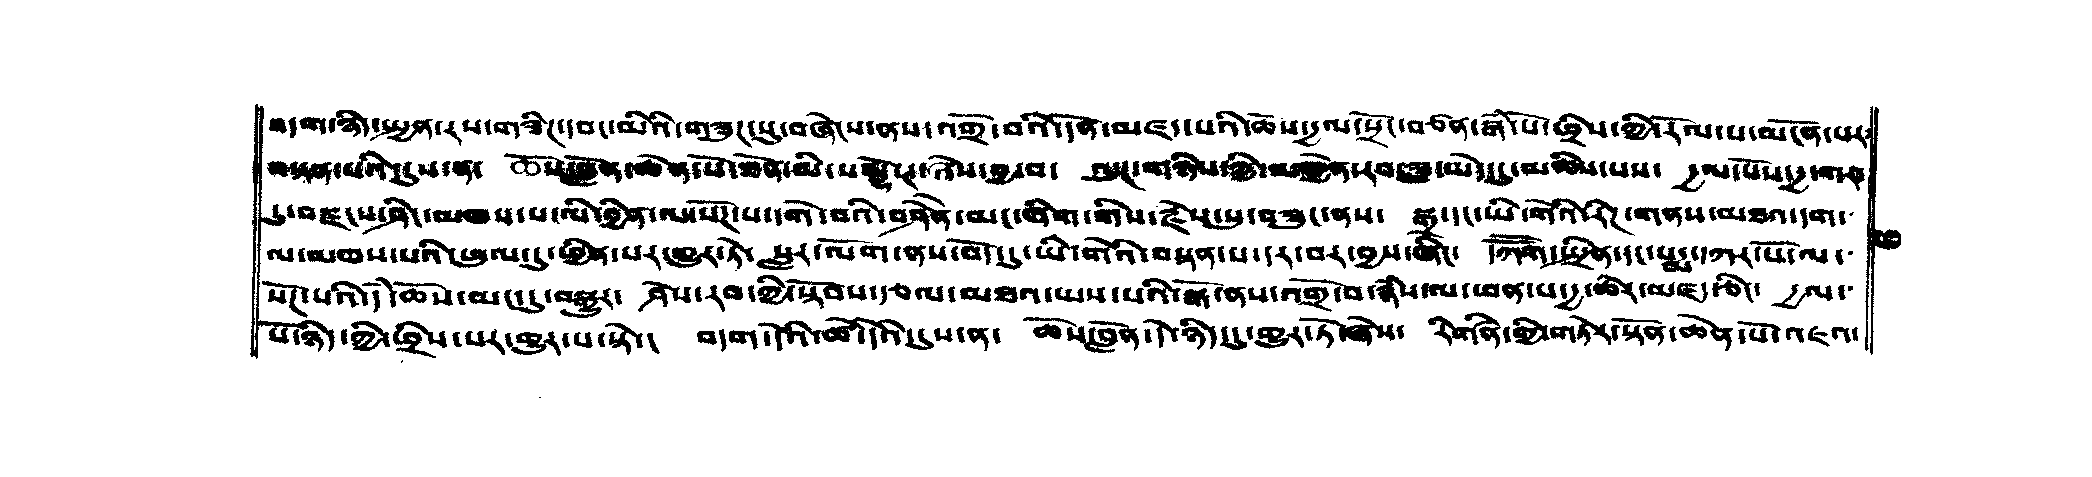བདག་ཉིད་སྤྱན་རས་གཟིགས་དབང་མིའི་གཟུགས་སུ་བཞེངས་ནས་འགྲོ་བའི་དོན་མཛད་པའི་ཆོས་རྒྱལ་སྲོང་བཙན་སྒམ་པོ་ཕྲིན་ལས་ཀྱི་རོལ་པ་མངོན་པར་
བསྟན་པའི་དུས་ན། ཆོས་བློན་ཆེན་པོ་ཐོན་མི་སམ་བྷོ་ཊ་ཞེས་བྱ་བ། ལུགས་གཉིས་ཀྱི་མཁྱེན་རབ་ཟླ་མེད་དུ་མཆིས་པས། རྒྱལ་པོས་རྒྱ་གར་
དུ་བརྫངས་ཤིང་མཁས་པ་ལི་བྱིན་ལ་སོགས་པ་དགེ་བའི་བཤེས་གཉེན་མང་ཞིག་གིས་རྗེས་སུ་བཟུང་ནས། སྒྲ་དང་ཡི་གེའི་རིག་གནས་མཐའ་དག་
ལ་མཁས་པའི་ཕུལ་དུ་ཕྱིན་པར་གྱུར་ཏེ། སླར་ལོག་ནས་བོད་དུ་ཡི་གེའི་བསྟན་པ་དར་བར་བྱས་ཞིང་། དཀོན་མཆོག་སྤྲིན་དང་པདྨ་དཀར་པོ་ལ་
སོགས་པའི་དམ་ཆོས་མང་དུ་བསྒྱུར། ཤེས་རབ་ཀྱི་སྟོབས་རྩལ་མཐའ་ཡས་པའི་སྒོ་ནས་འགྲོ་བ་རྣམས་ལ་ཕན་པ་རྒྱ་ཆེར་མཛད་ཅིང་། རྒྱལ་
པོ་ཉིད་ཀྱི་ཕྲིན་ལས་པར་གྱུར་པ་སྟེ། བདག་དེའི་ཚེ་དེའི་དུས་ན། ཆོས་བློན་དེ་ཉིད་དུ་གྱུར་ཏོ་ཞེས། རིག་འཛིན་གྱི་གཏེར་སྟོན་ཆེན་པོ་འཇའ་